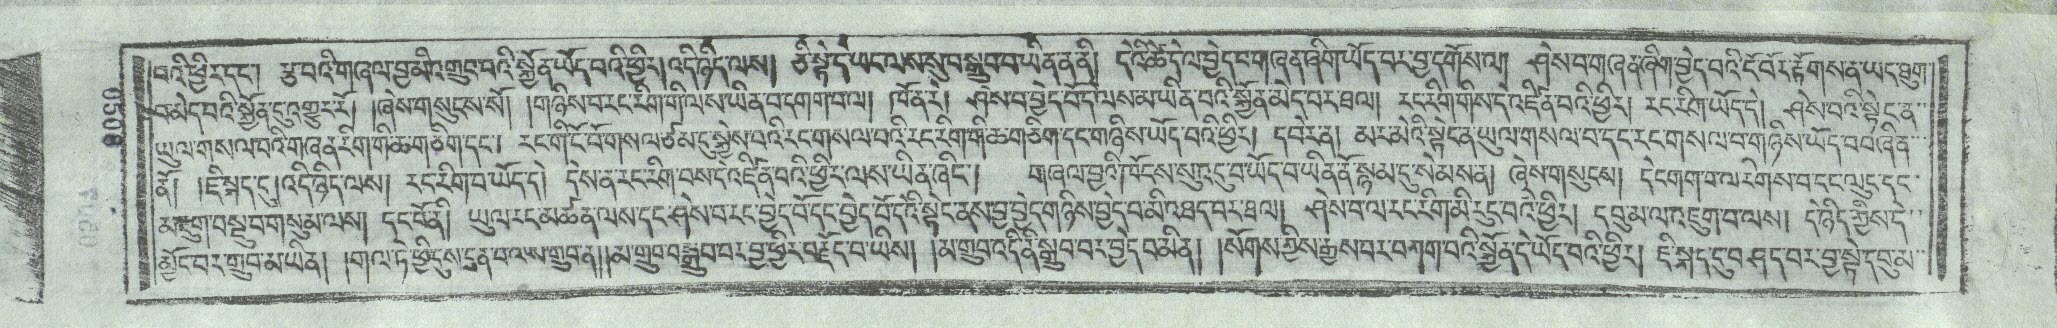པའི་ཕྱིར་དང་། རྩ་བའི་གཞལ་བྱ་མི་འགྲུབ་པའི་སྐྱོན་ཡོད་པའི་ཕྱིར། འདི་ཉིད་ལས། ཅི་སྟེ་དེ་ཡང་ལས་སུ་བསྒྲུབ་པ་ཡིན་ན་ནི། དེའི་ཚེ་དེ་ལ་བྱེད་པ་གཞན་ཞིག་ཡོད་པར་བྱ་དགོས་ལ། ཤེས་པ་གཞན་ཞིག་བྱེད་པའི་ངོ་བོར་རྟོགས་ན་ཡང་ཐུག་
པ་མེད་པའི་སྐྱོན་དུ་འགྱུར་རོ། །ཞེས་གསུངས་སོ། །གཉིས་པ་རང་རིག་གི་ལས་ཡིན་པ་དགག་པ་ལ། ཁོ་ན་རེ། ཤེས་པ་བྱེད་པོ་དེ་ལས་མ་ཡིན་པའི་སྐྱོན་མེད་པར་ཐལ། རང་རིག་གིས་དེ་འཛིན་པའི་ཕྱིར། རང་རིག་ཡོད་དེ། ཤེས་པའི་སྟེང་ན་
ཡུལ་གསལ་བའི་གཞན་རིག་གི་ཆ་གཅིག་དང་། རང་གི་ངོ་བོ་གསལ་ཙམ་དུ་སྐྱེས་པའི་རང་གསལ་བའི་རང་རིག་གི་ཆ་གཅིག་དང་གཉིས་ཡོད་པའི་ཕྱིར། དཔེར་ན། མར་མེའི་སྟེང་ན་ཡུལ་གསལ་བ་དང་རང་གསལ་བ་གཉིས་ཡོད་པ་བཞིན་
ནོ། །ཇི་སྐད་དུ། འདི་ཉིད་ལས། རང་རིག་པ་ཡོད་དེ། དེས་ན་རང་རིག་པས་དེ་འཛིན་པའི་ཕྱིར་ལས་ཡིན་ཞིང་། གཞལ་བྱའི་ཁོངས་སུ་འདུ་བ་ཡོད་པ་ཡིན་ནོ་སྙམ་དུ་སེམས་ན། ཞེས་གསུངས། དེ་དགག་པ་ལ་རིགས་པ་དང་ལུང་དང་
མཇུག་བསྡུ་བ་གསུམ་ལས། དང་པོ་ནི། ཡུལ་རང་མཚན་ལས་དང་ཤེས་པ་རང་བྱེད་པོ་དང་བྱེད་པོ་དེའི་སྟེང་ནས་བྱ་བྱེད་གཉིས་བྱེད་པ་མི་འཐད་པར་ཐལ། ཤེས་བ་ལ་རང་རིག་མི་རུང་བའི་ཕྱིར། དབུ་མ་ལ་འཇུག་པ་ལས། དེ་ཉིད་ཀྱིས་དེ་
མྱོང་བར་གྲུབ་མ་ཡིན། །གལ་ཏེ་ཕྱི་དུས་དྲན་པ་ལས་གྲུབ་ན། །མ་གྲུབ་བསྒྲུབ་པར་བྱ་ཕྱིར་བརྗོད་པ་ཡིས། །མ་གྲུབ་འདི་ནི་སྒྲུབ་པར་བྱེད་པ་མིན། །སོགས་ཀྱིས་རྒྱས་པར་བཀག་པའི་སྐྱོན་དེ་ཡོད་པའི་ཕྱིར། ཇི་སྐད་དུ་བཤད་པར་བྱ་སྟེ་དབུ་མ་